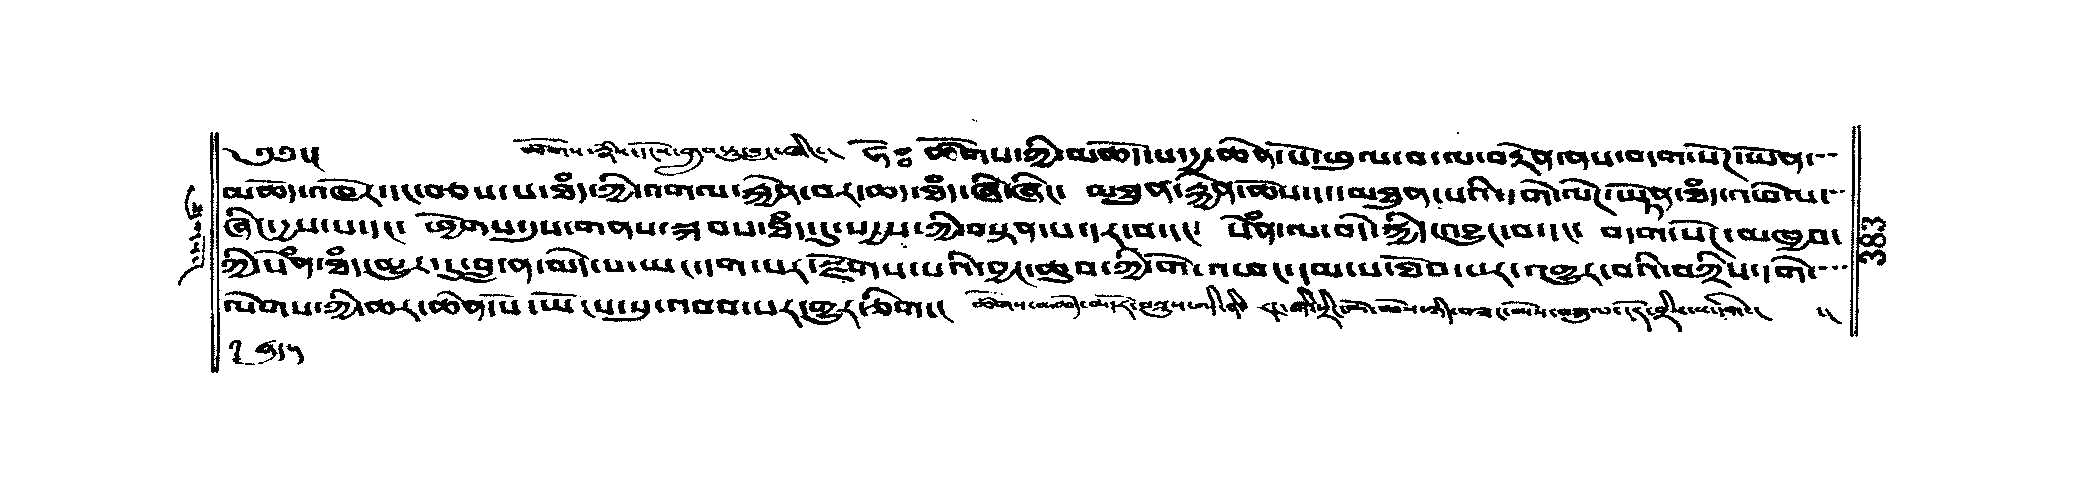ཚོགས་རྣམས་དངོས་གྲུབ་ཏུ་བླང་ཞིང་། ཧོཿ ཚོགས་ཀྱི་མཆོད་པ་རྒྱ་ཆེན་པོ་ཕུལ་བ་ལ་བརྟེན་ནས་བདག་སོགས་ཡོན་
མཆོད་འཁོར་དང་བཅས་པ་ཐམས་ཅད་ཀྱི་འགལ་རྐྱེན་བར་ཆད་ཐམས་ཅད་ཞི་ཞིང་། མཐུན་རྐྱེན་ཆོས་དང་མཐུན་པའི་དགེ་ལེགས་ཡོན་ཏན་ཐམས་ཅད་འཕེལ་
ཞིང་རྒྱས་པ་དང་། ཕྱོགས་དུས་གནས་སྐབས་ཐམས་ཅད་དུ་སངས་རྒྱས་ཀྱི་བསྟན་པ་དར་བ་དང་། སེམས་ཅན་ལ་བདེ་སྐྱིད་འབྱུང་བ་དང་། བདག་སོགས་མཁའ་ཁྱབ་
ཀྱི་སེམས་ཅན་ཐམས་ཅད་མྱུར་དུ་བླ་ན་མེད་པ་ཡག་དག་པར་རྫོགས་པའི་བྱང་ཆུབ་་ཀྱི་གོ་འཕང་དམ་པ་ཐོབ་པར་གྱུར་བའི་བཀྲ་ཤིས་དགེ་
ལེགས་ཀྱི་ཆར་ཆེན་པོ་ཡོངས་སུ་འབབ་པར་གྱུར་ཅིག་ཚོགས་མཆོད་མདོར་བསྡུས་འདི་ནི། རང་གི་སྲིང་མོ་ཆོས་ཉིད་བཟང་མོས་བསྐུལ་ངོར་བྲིས་པ་དགེ། ༥
༡ རྒྱུད།